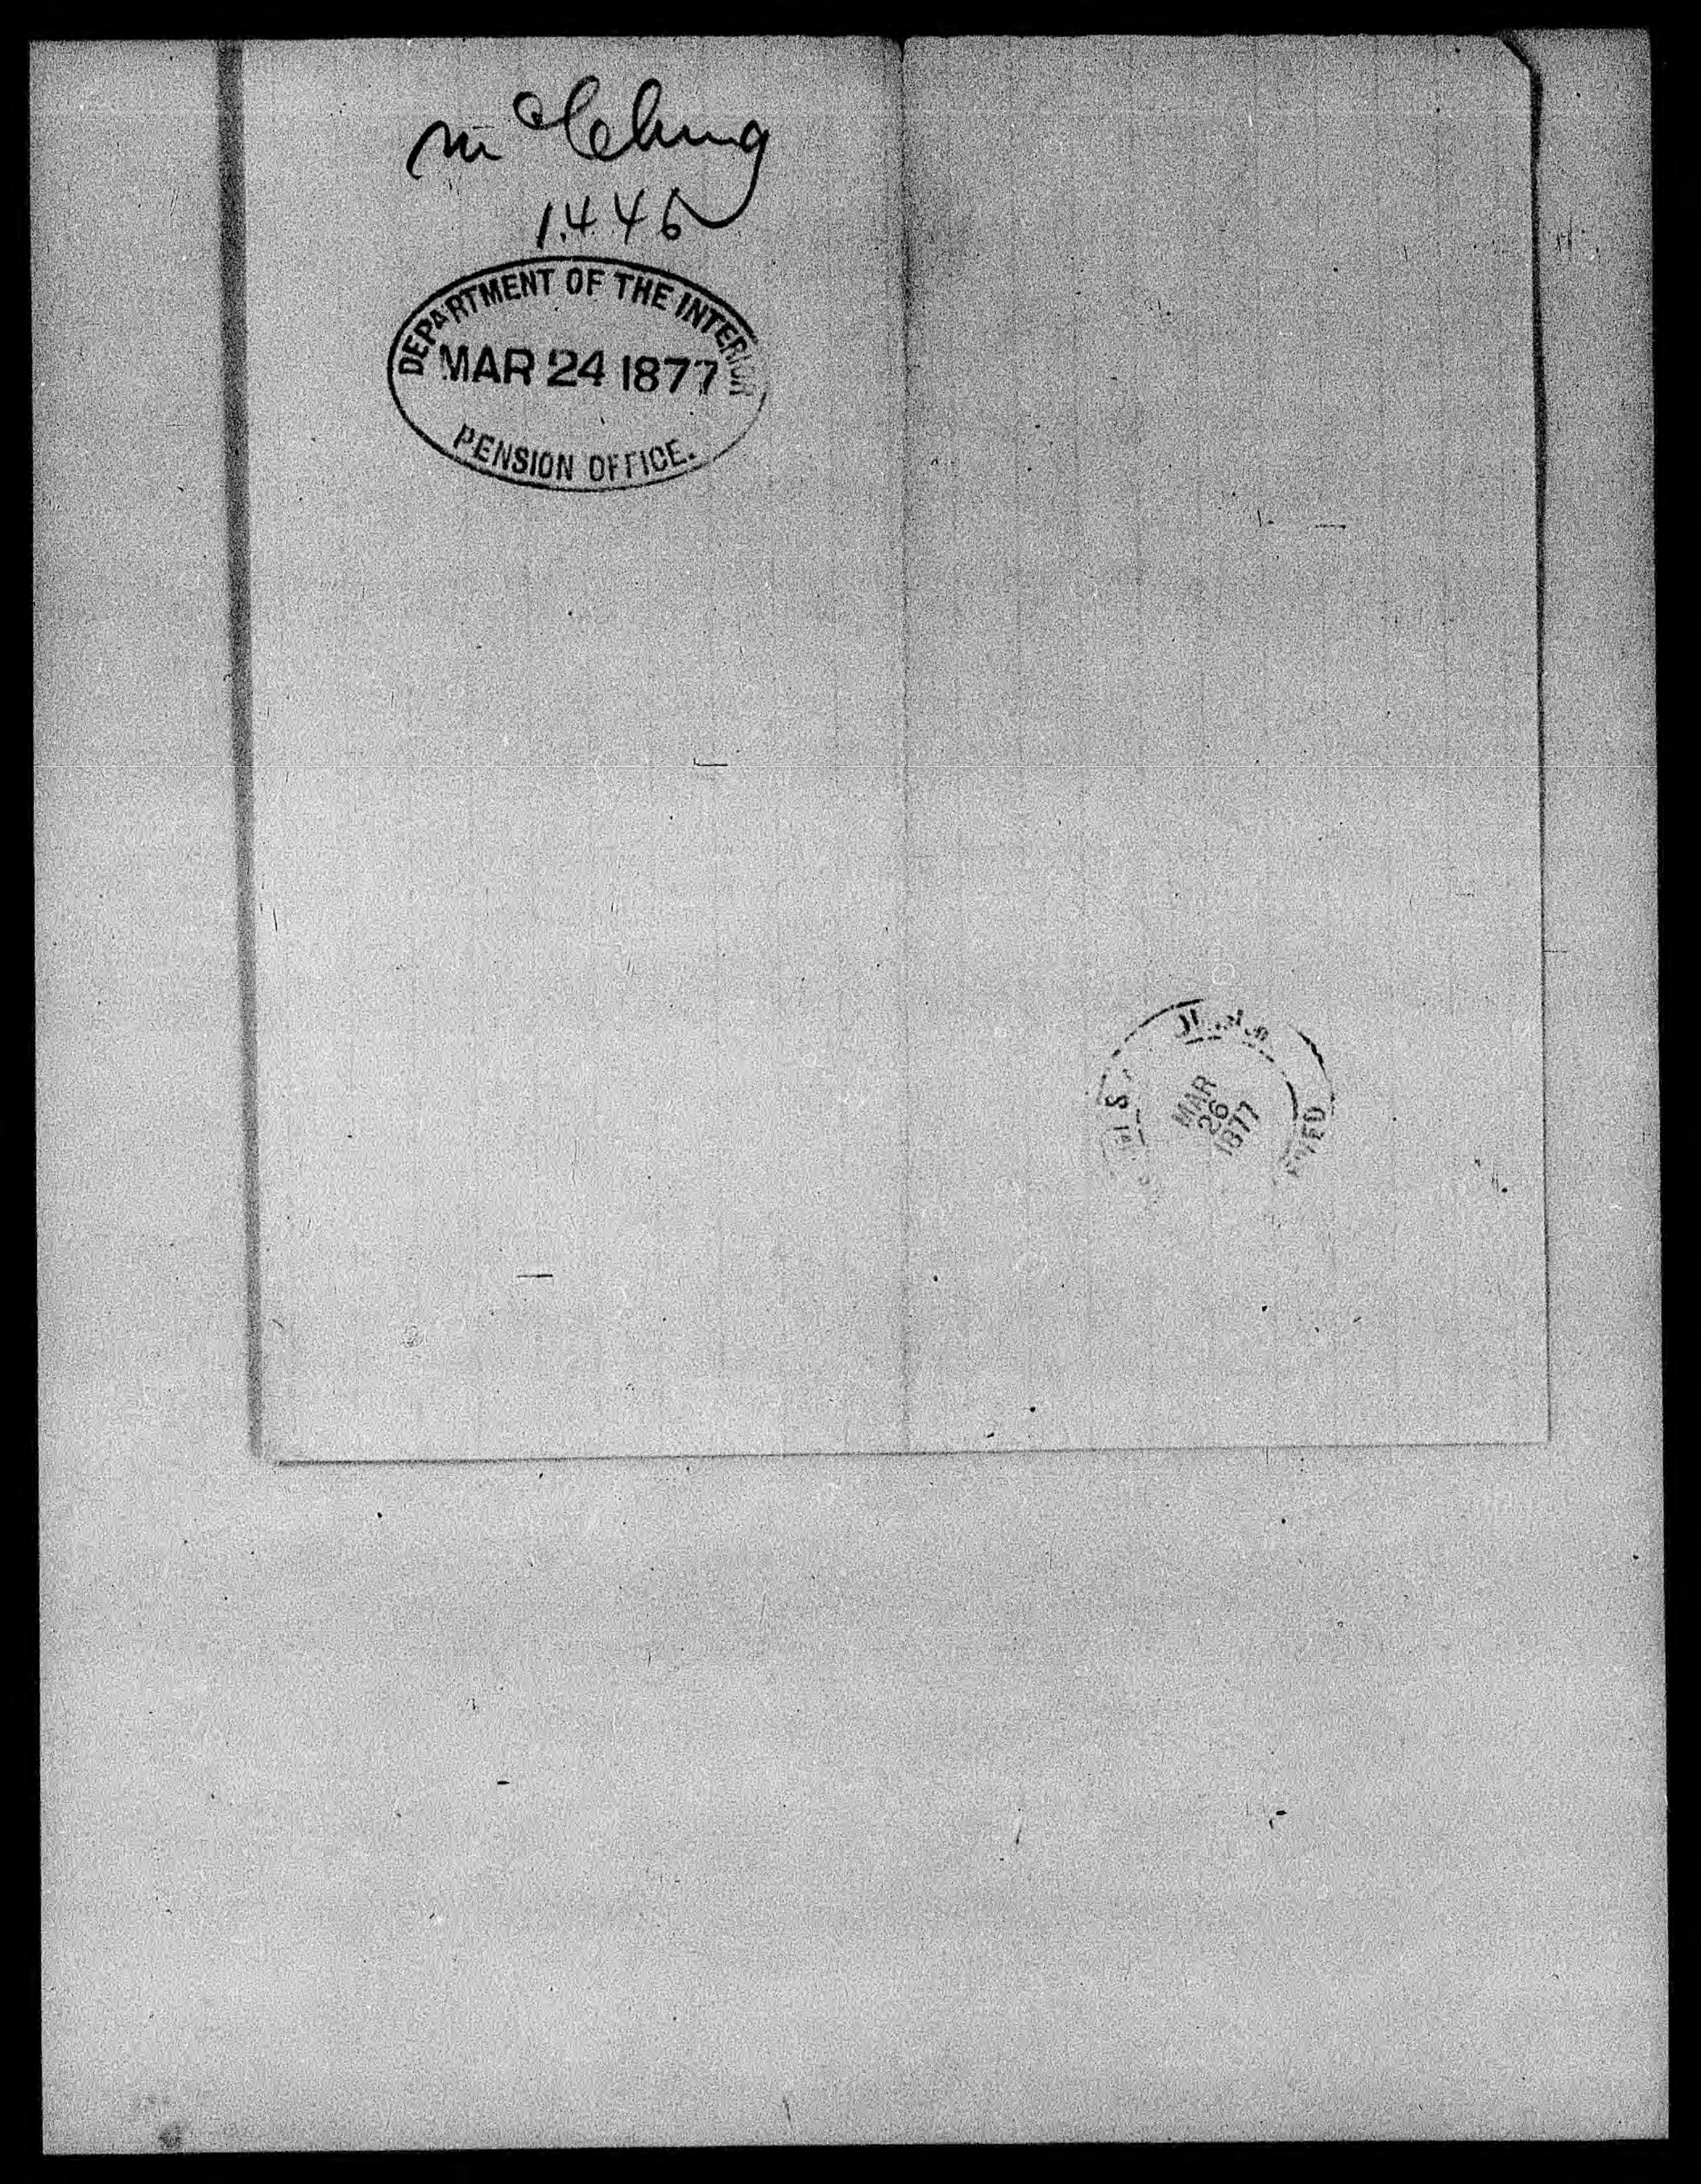Mc Clung
1.446

[stamp]
DEPARTMENT OF THE INTERIOR
MAR 24 1877
PENSION OFFICE.

[Stamp]
[illegible]
MAR
26
1877
[illegible]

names: [BLANK] Mc Clung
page: 86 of 115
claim: widow's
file: W. 1446, for John Mc Clung, South Carolina